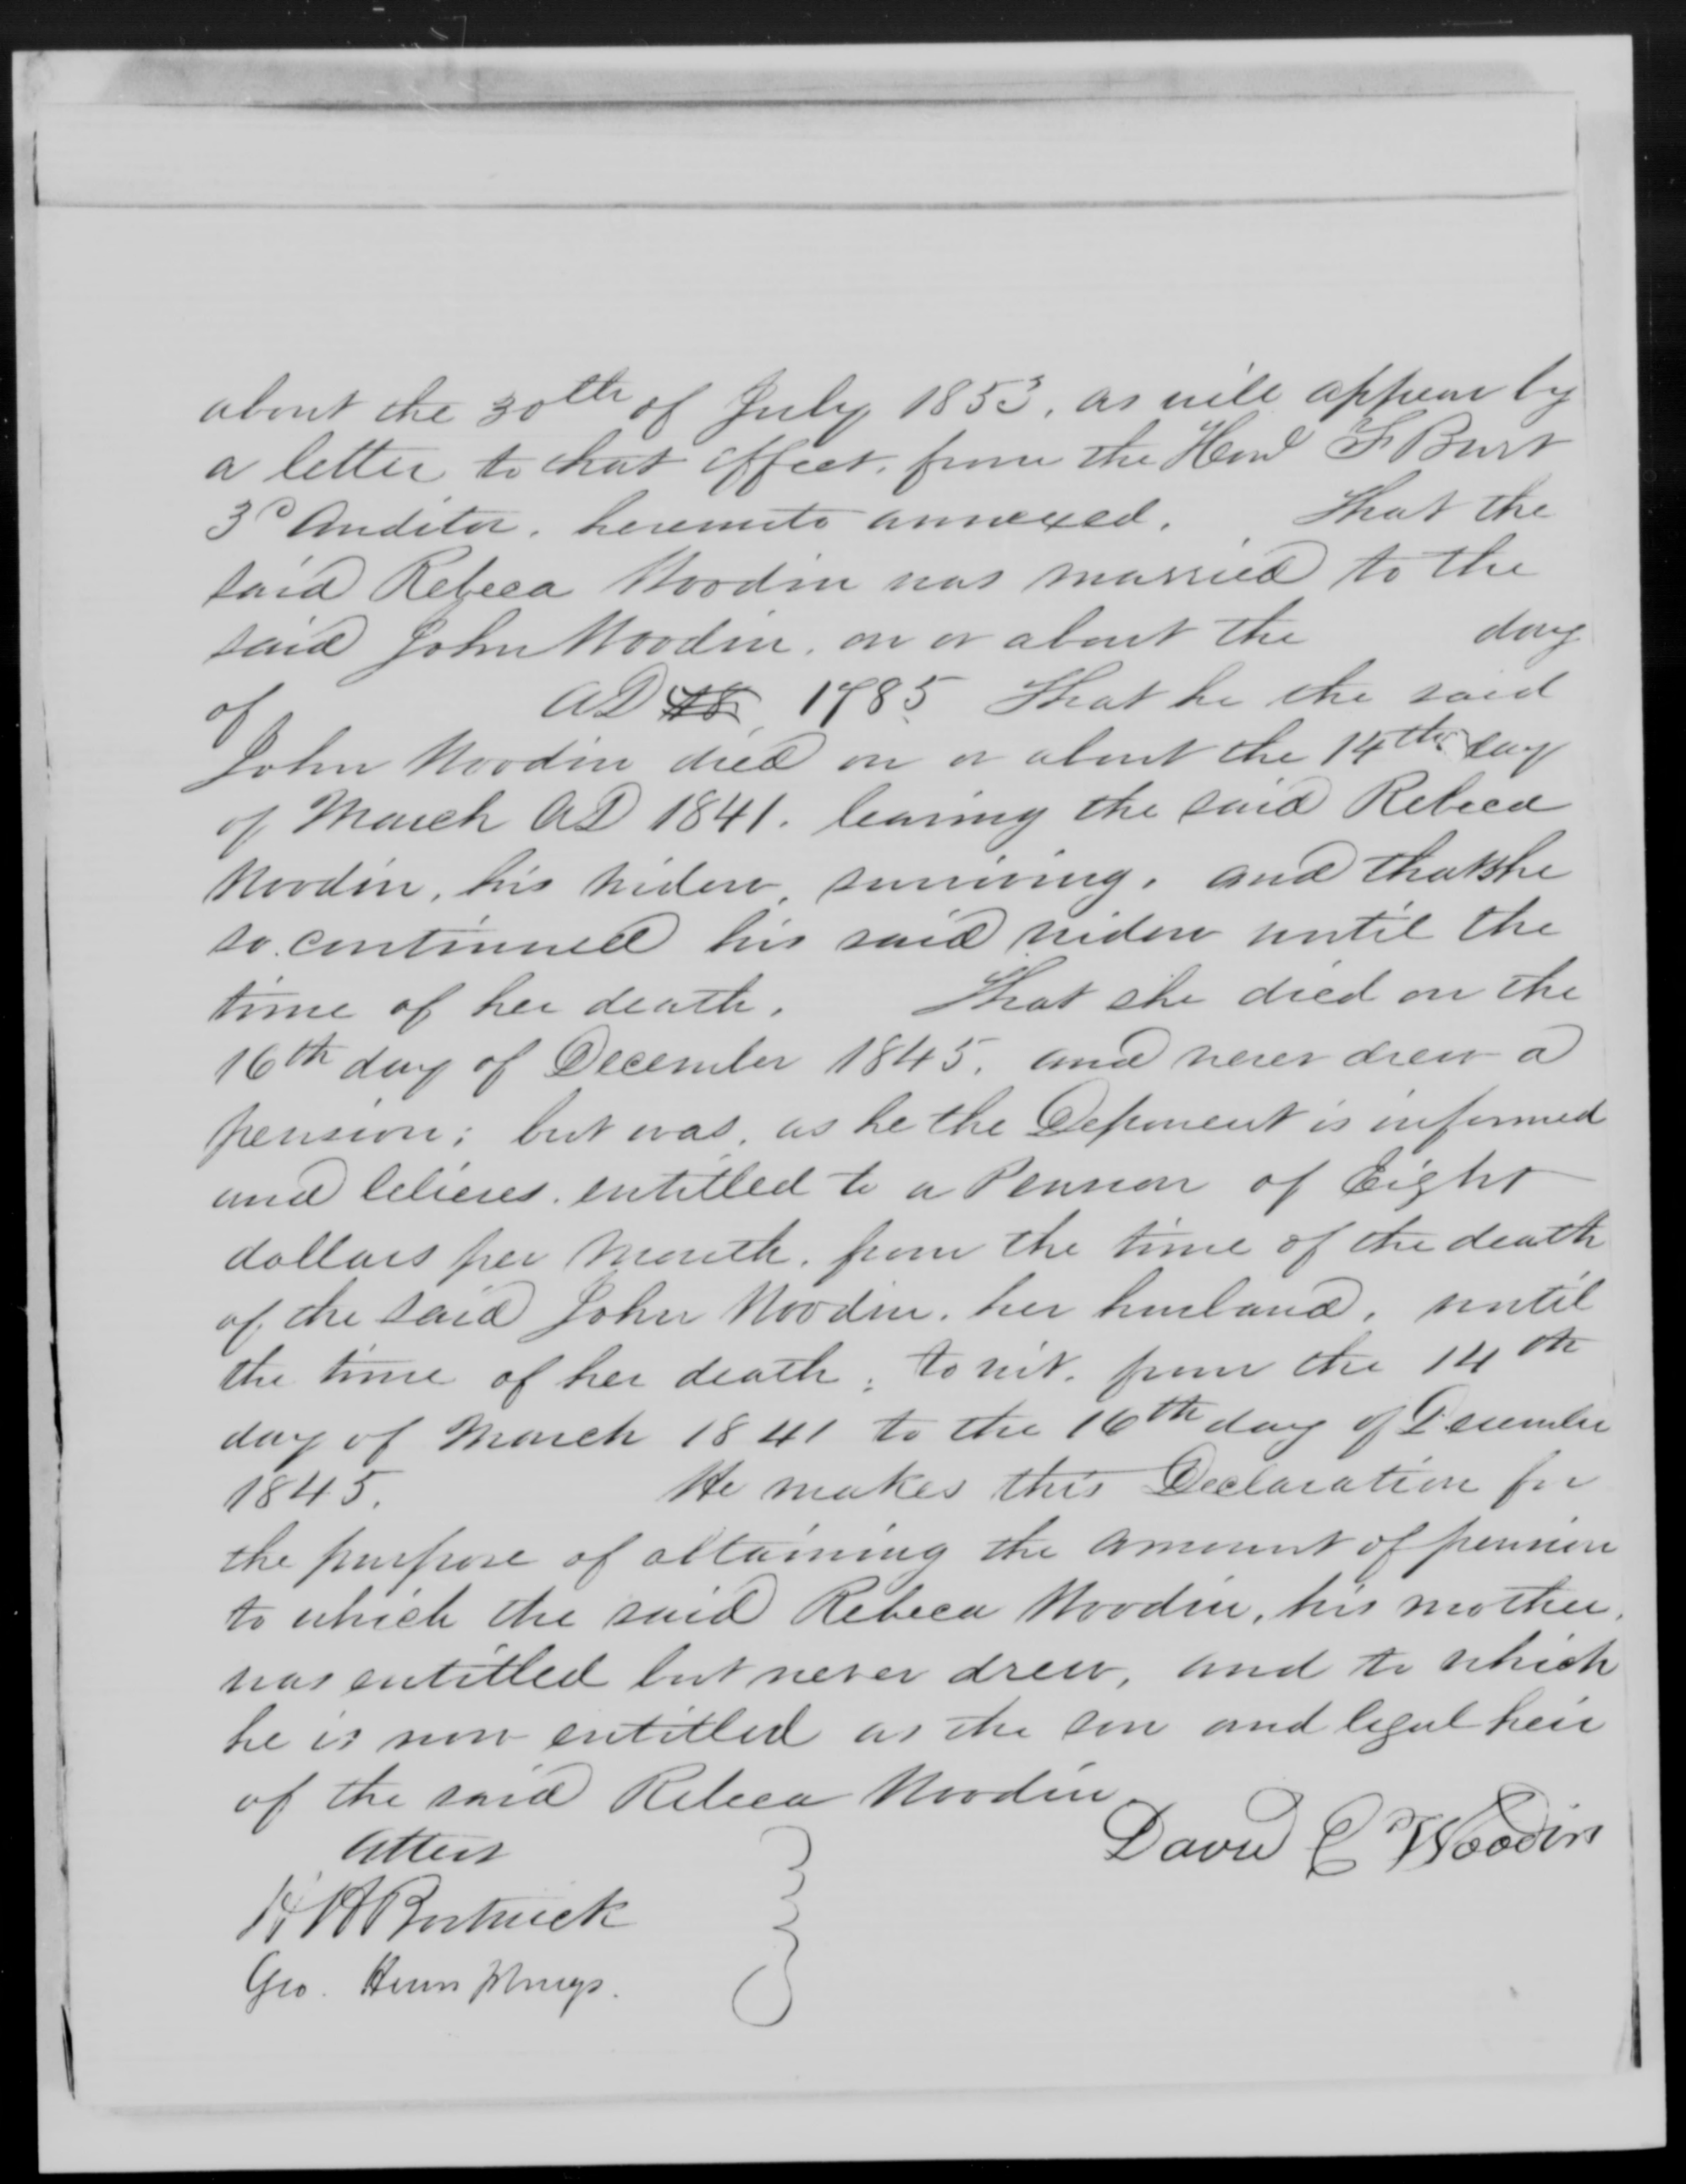about the 30th of July 1853, as will appear by a letter to that effect, from the Hon F Burt 3d Auditor, hereunto annexed, - That the said Rebeca Woodin was married to the said John Woodin, on or about the [blank] day of [blank] AD 1785 That he the said John Woodin died on or about the 14th day of March AD 1841, leaving the said Rebeca Woodin, his widow, surviving, and that she so continued his said widow until the time of her death, That she died on the 16th day of December 1845, and never drew a pension; but was, as he the Deponent is informed and believes entitled to a Pension of Eight dollars per month, from the time of the death of the said John Woodin, her husband, until the time of her death; to wit, from the 14th day of March 1841 to the 16th day of December 1845. He makes this Declaration for the purpose of obtaining the amount of pension to which the said Rebeca Woodin, his mother was entitled but never drew, and to which he is now entitled as the son and legal heir of the said Rebeca Wooden
David E. Woodin 
letters 
H H Bostwick
Geo. Humphreys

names: Rebeca Woodin, H H Bostwick, John Woodin, David E Woodin, F Burt, Geo Humphreys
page: 6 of 77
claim: widow's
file: W. 19658, John Woodin, New York